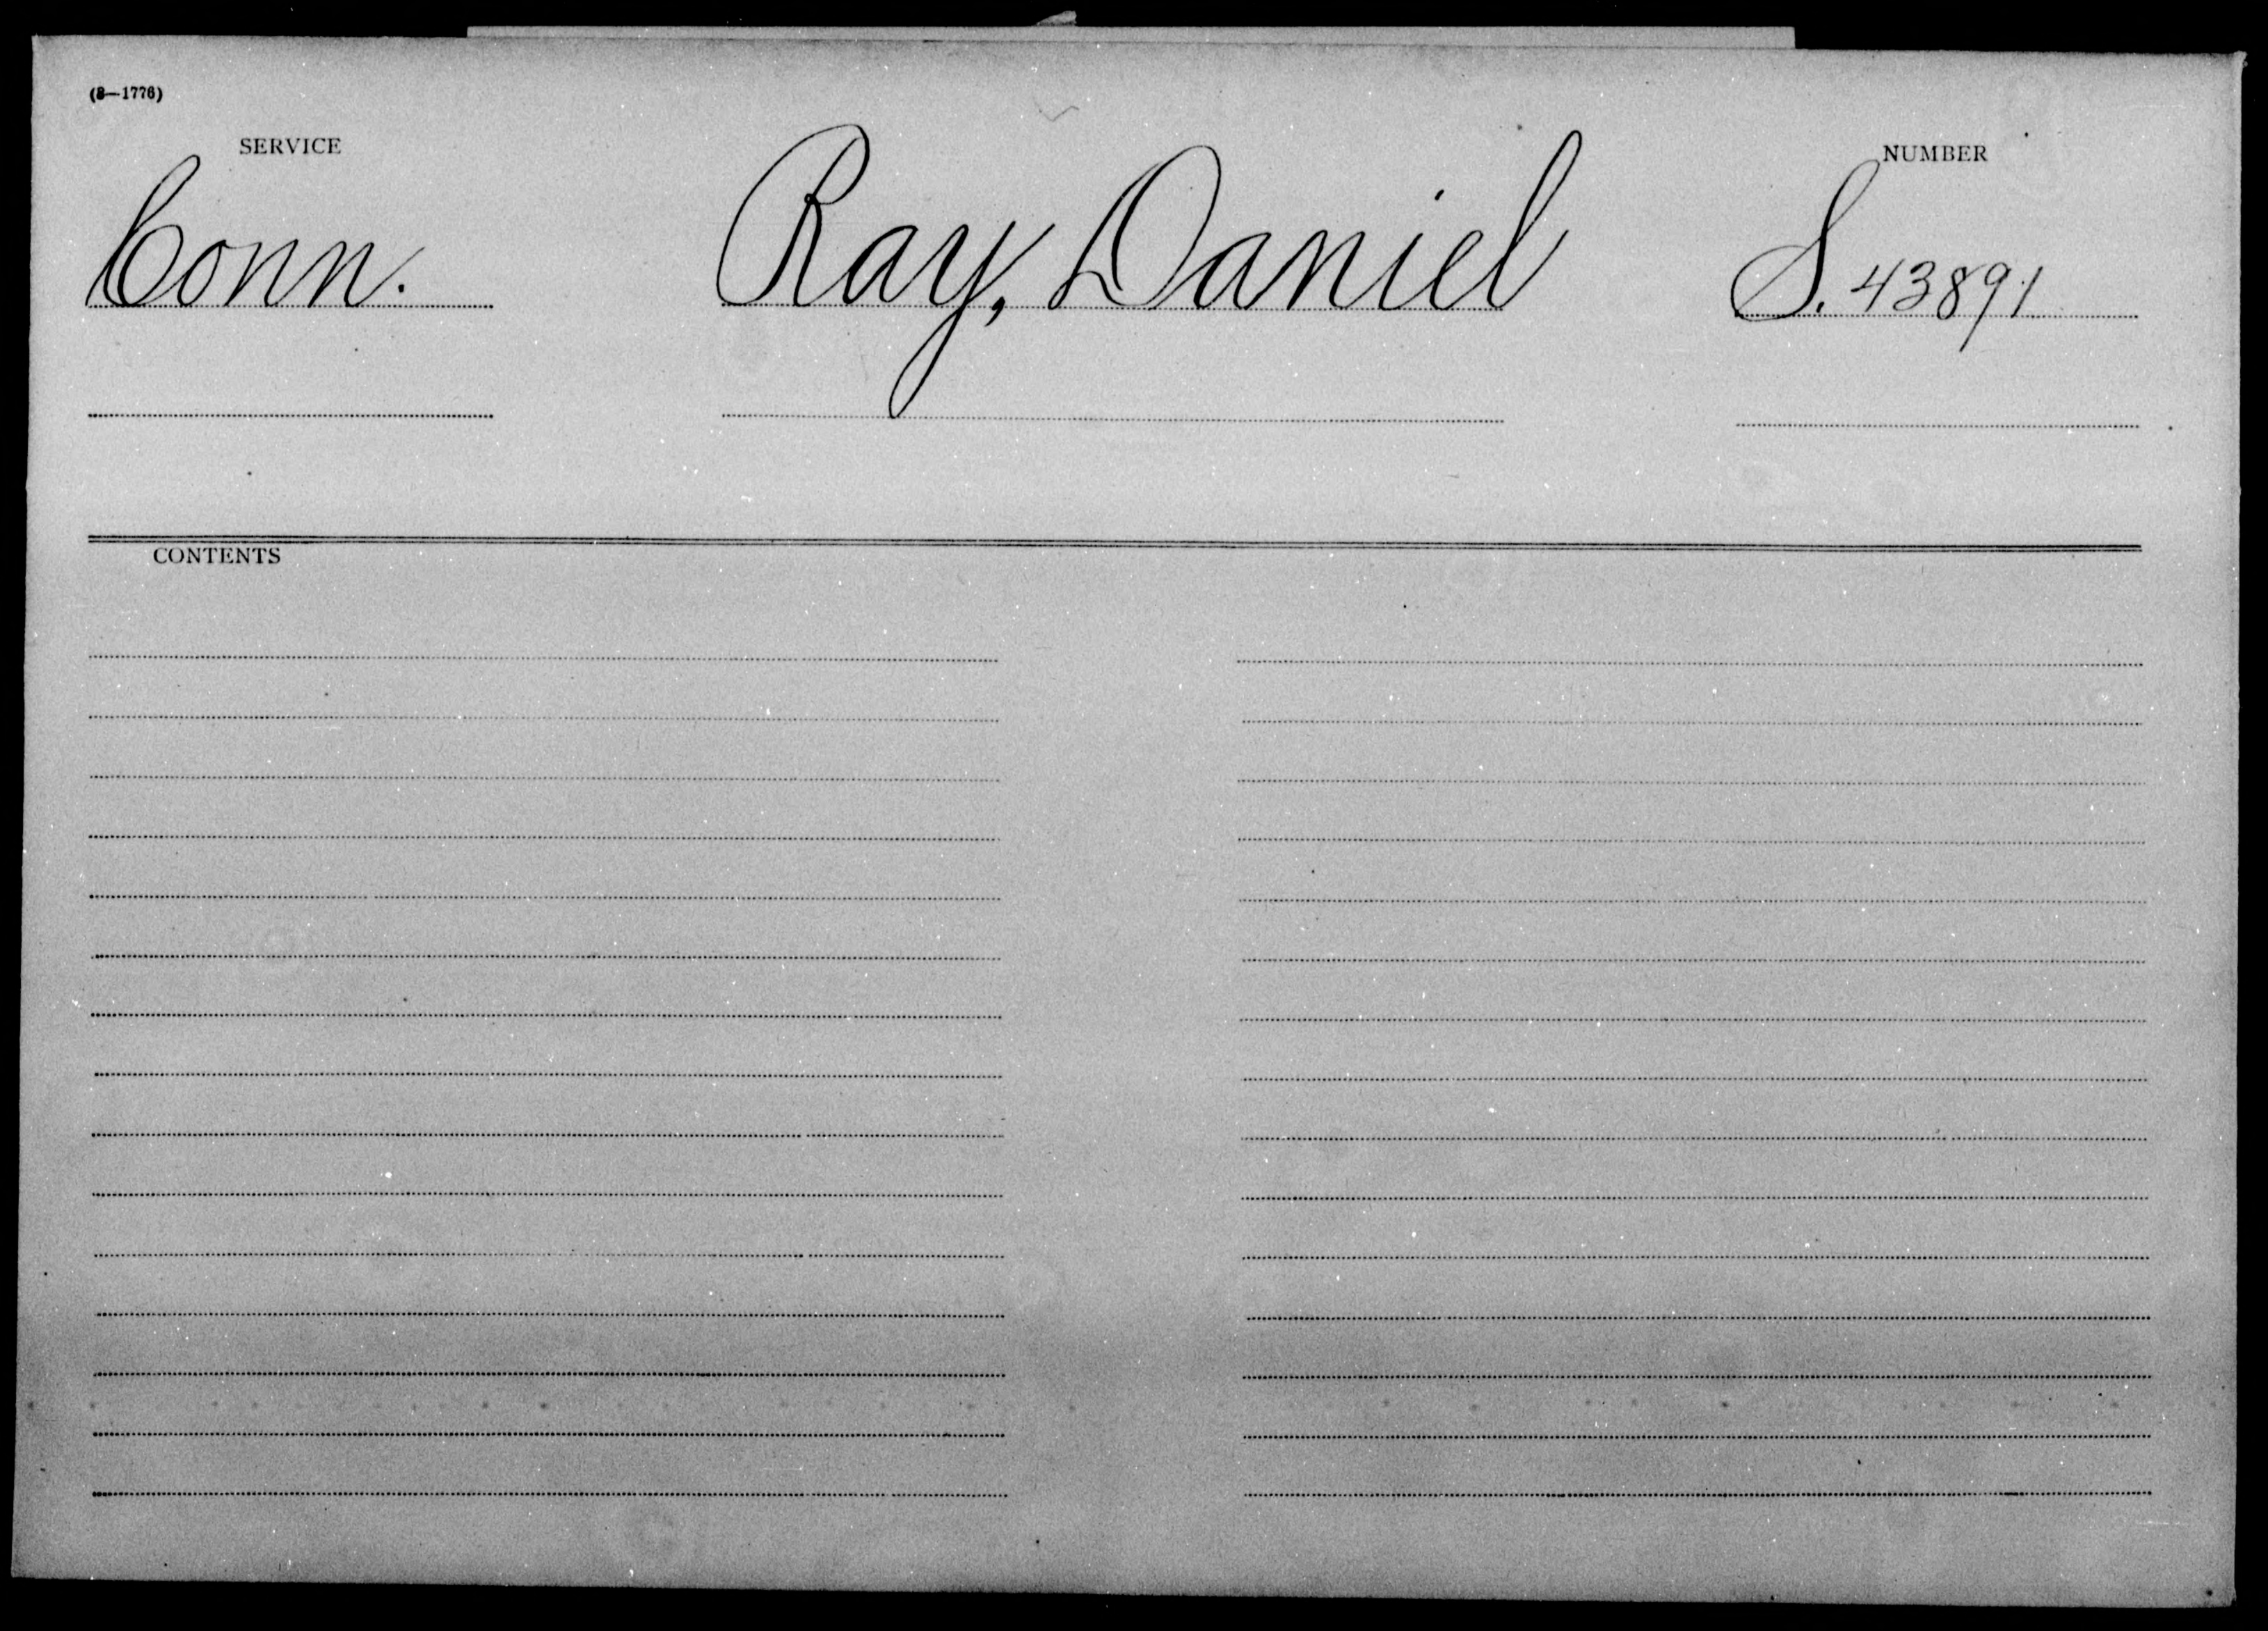3-1776
SERVICE                                        NUMBER
Conn.       Ray, Daniel                   S.43891

CONTENTS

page: 1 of 20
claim: survivor's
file: S. 43891, for Daniel Ray, Connecticut